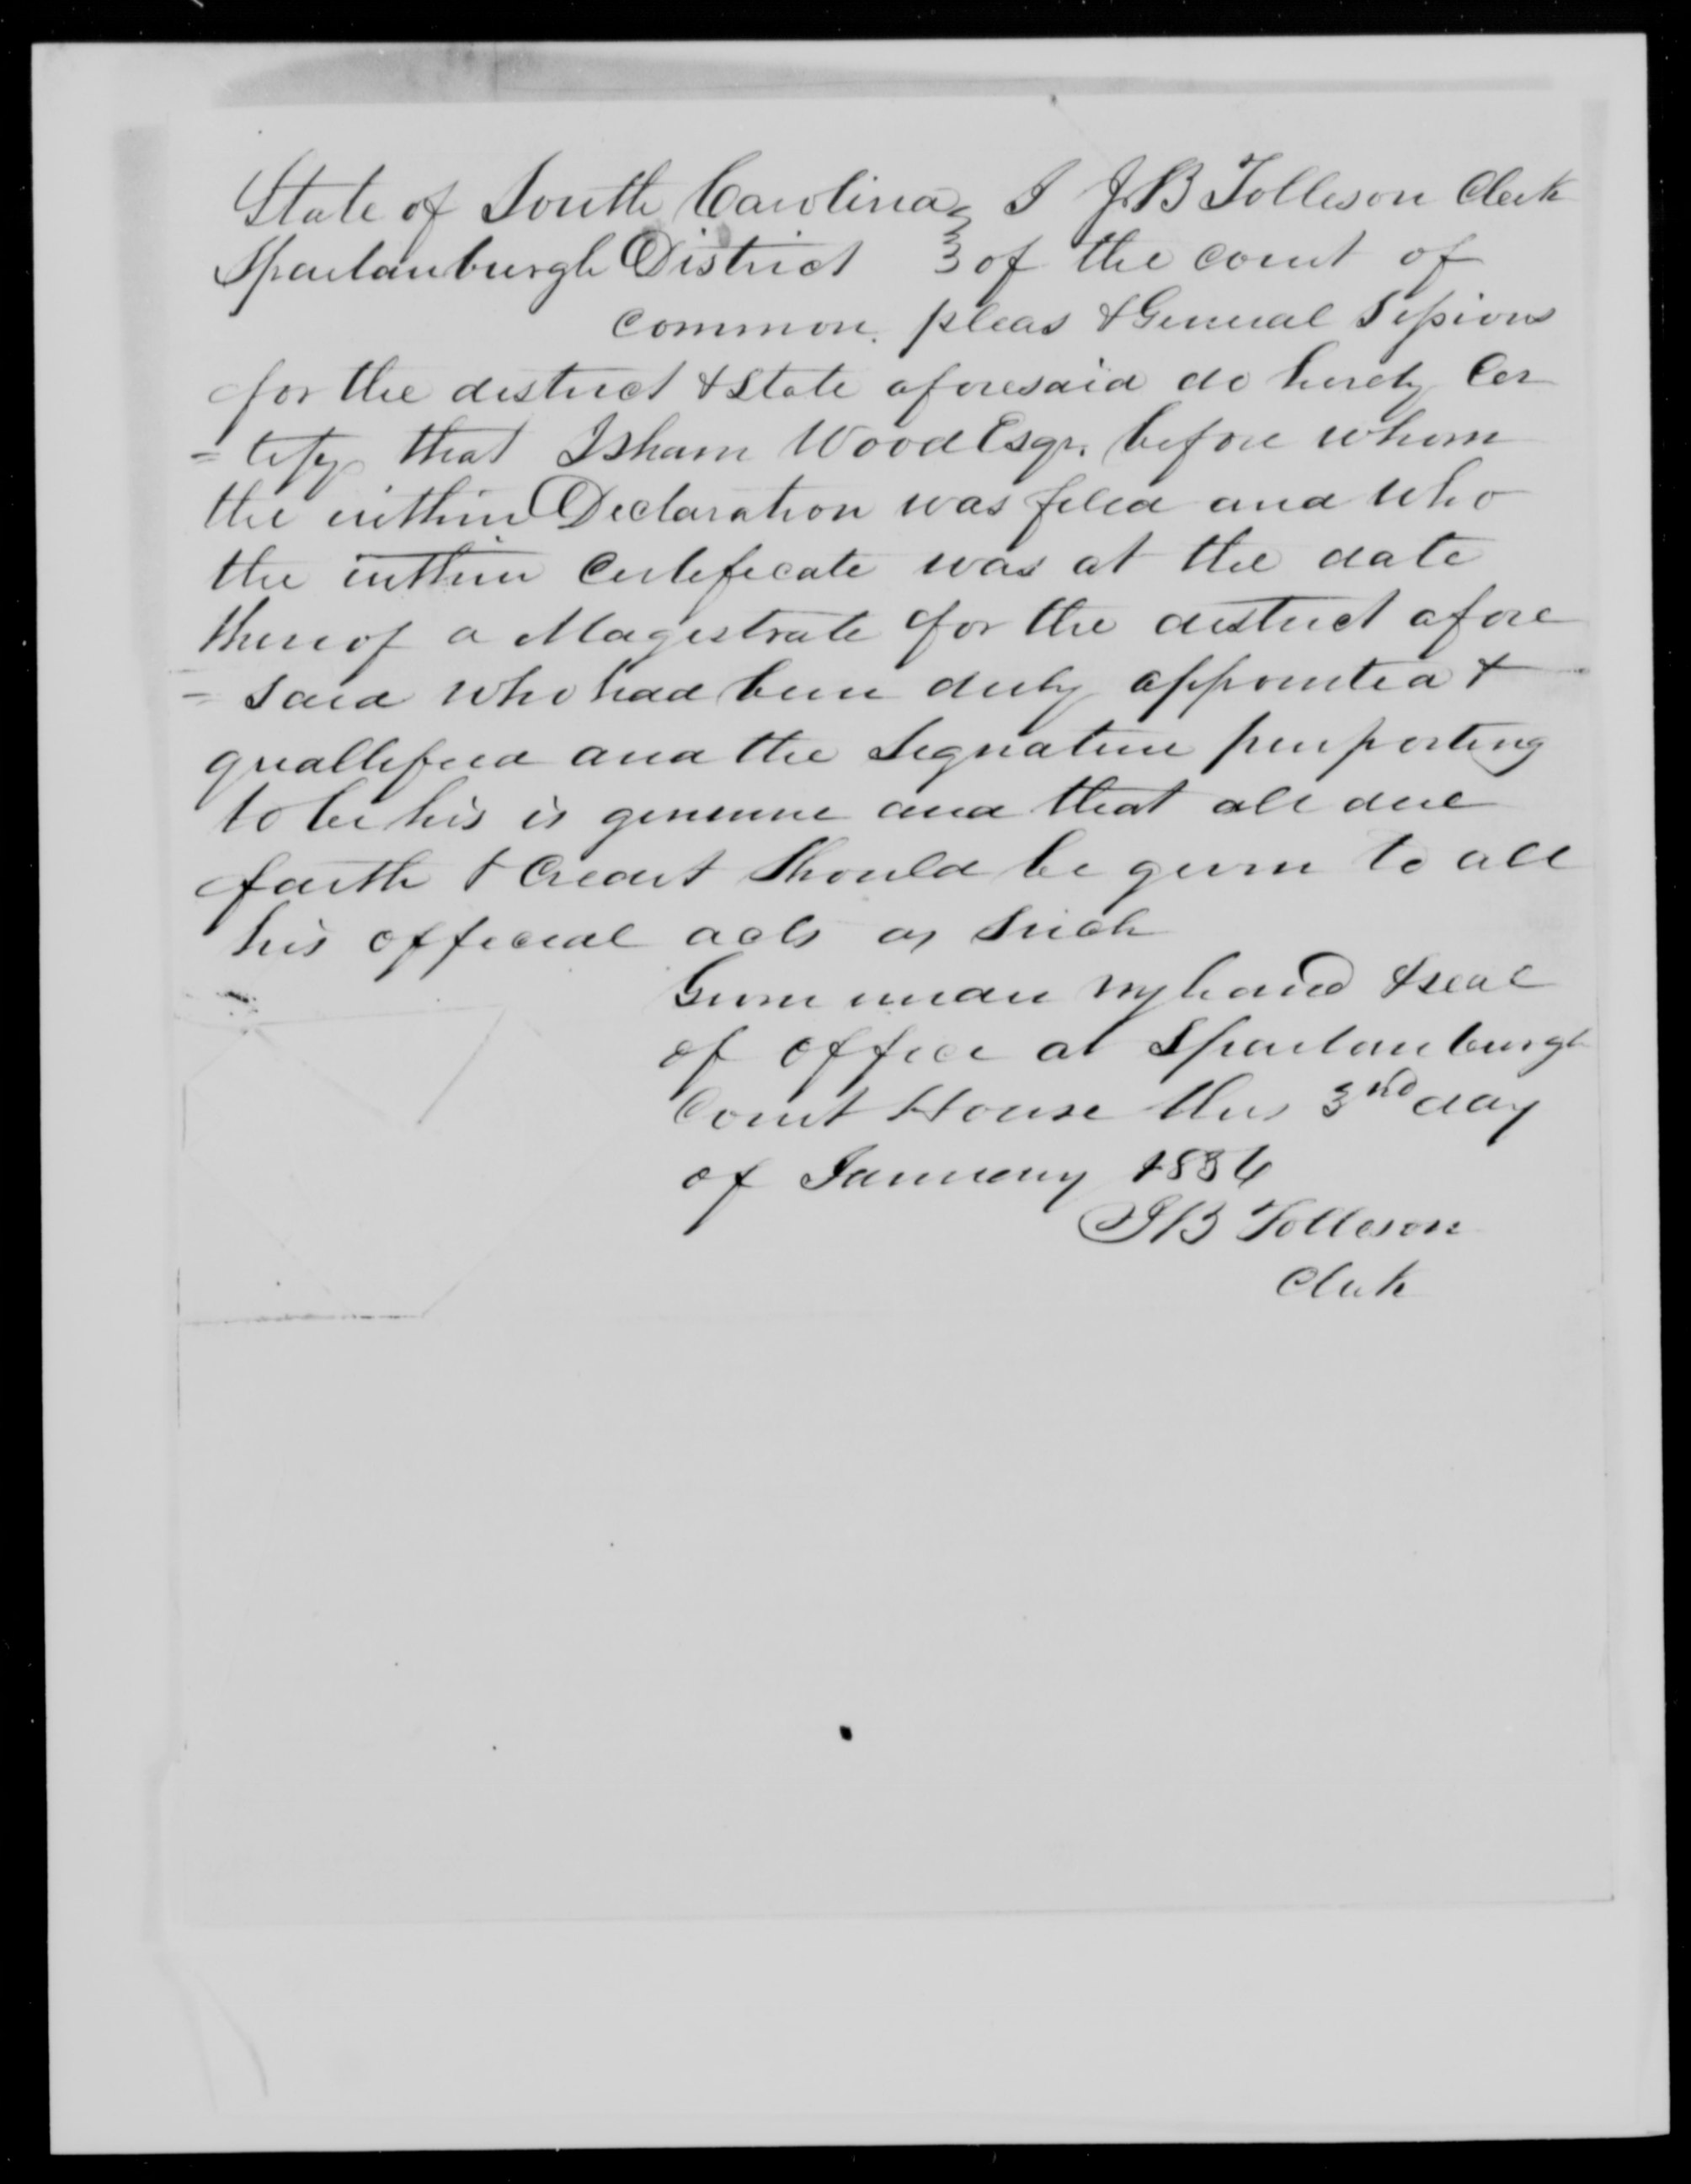State of South Carolina Spartanburgh District
J B Tollison Clerk of the court of common pleas & general sessions for the district and state aforesaid do herby certify that Isham Wood Esqr before whom the within Declaration was filed and who the within certificate was at the date thereof a Magistrate for the district aforesaid who had been duly appointed & qualified and the signature purporting to be his is genuine and that all due faith & credit should be given to all his offered acts as such
Given under my hand & seal of office at Spartangurgh Court House this 3rd day of January 1856
J B Tolleson Clerk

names: J B Tolleson, Isham Wood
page: 5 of 40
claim: rejected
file: R. 11785, Henry Wood, N. C.